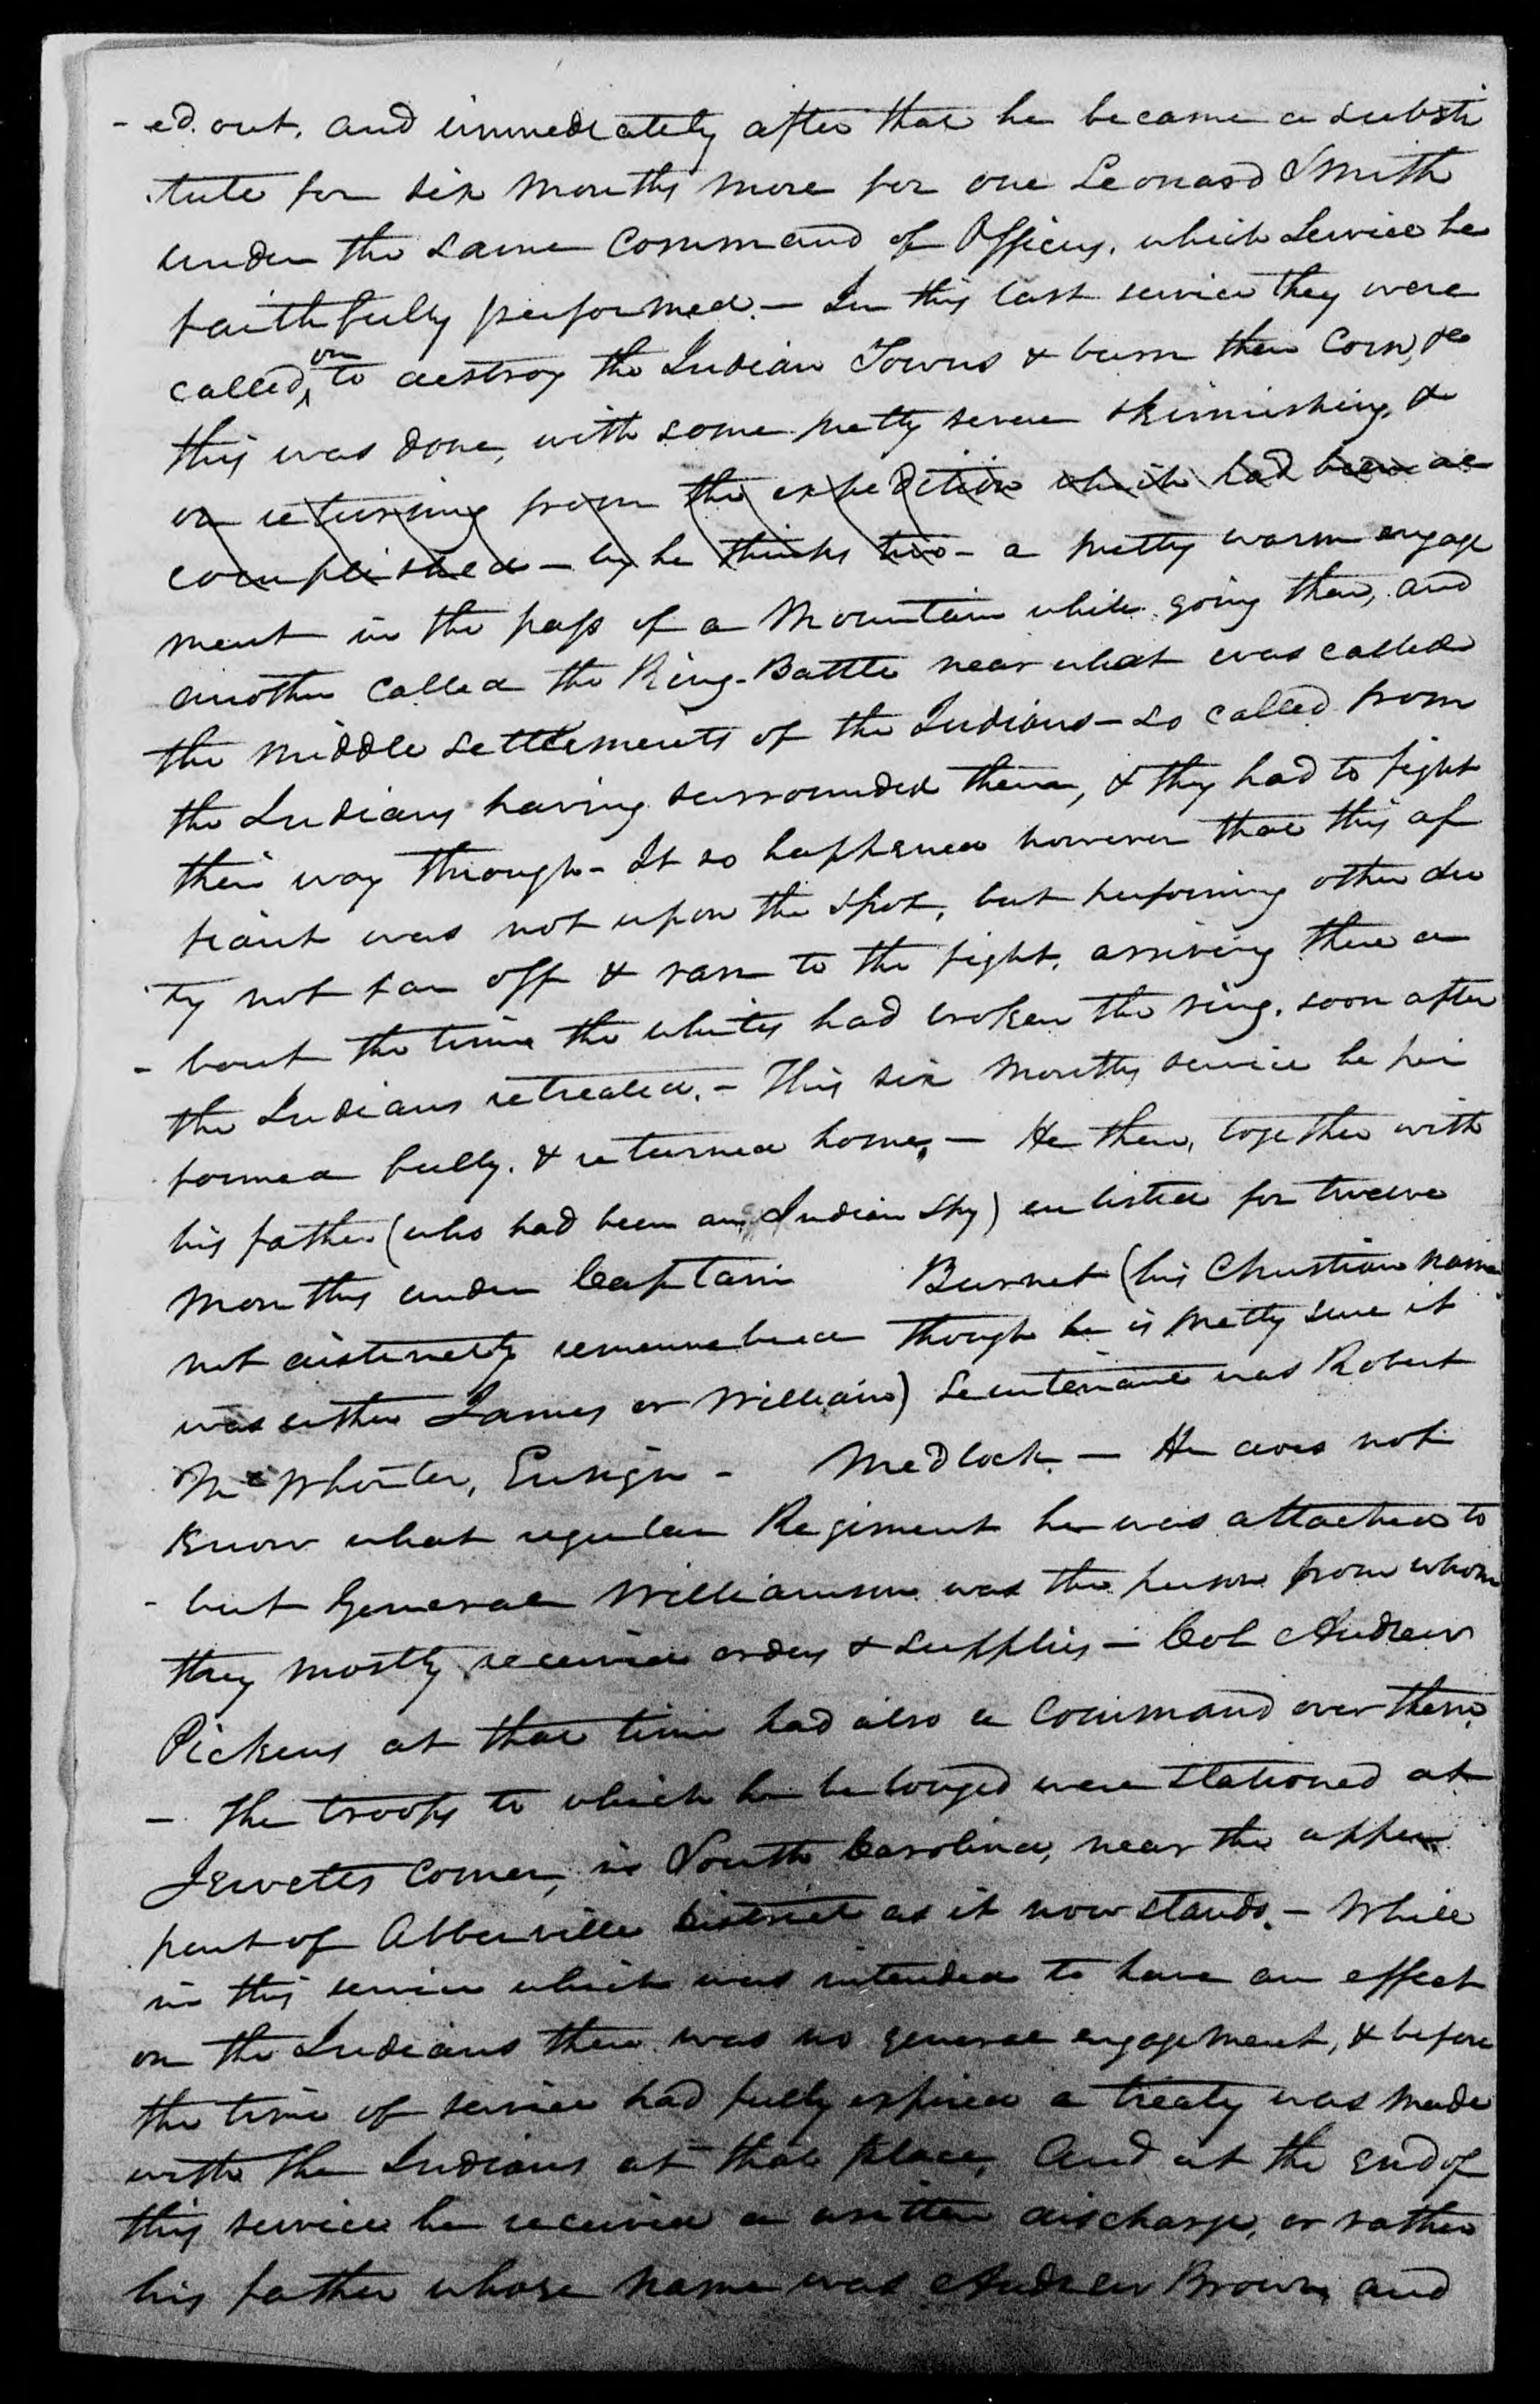ed out, and immediately after that he became a substitute  for six months more for one Leonard Smith
under the same command of Officers, which service he faithfully performed. In this last service they were called to destroy the Indian Towns & burn their corn, & this was done with some pretty severe skimishing & a pretty warm engagement in the pass of a mountain while going there and
another called the Ring Battle near what was called the middle settlements of the Indians-- so called from the Indians having surrounded them, & they had to fight their way through. It so happened however that this he was not upon the spot, but performing other duty not far off & ran to the fight arriving there about the time the whites had broken the ring, soon after the Indians retreated. This six months service performed fully & returned home. He then, together with his father (who had been an Indian Spy), enlisted for twelve months under Captain Burnet (his Christian name not distinctly remembered though he is pretty see it was either James on William) Lieutenant was Robert McWhorter, Ensign Medlock. He is does not
know what regular Regiment he was attached to but General [Andrew] Williamson was the person from whom they mostly received orders & supplies - Col Andrew Pickens at that time had also a command over them the troops to which he belonged were stationed at Jewetts Corner in South Carolina, near the upper part of Abbeville District as it now stands. While in this service which was intended to have an effect
on the Indians there was no general engagement, & before the time of service had fully expired a treaty was made with the Indians at that place, and at the end of this service he received a written discharge, or rather his father whose name was Andrew Brown and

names: James, Leonard Smith, Williamson, Burnet, William, Andrew Brown, Andrew Pickens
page: 7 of 85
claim: widow's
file: W. 5,906, John Brown, S.C.